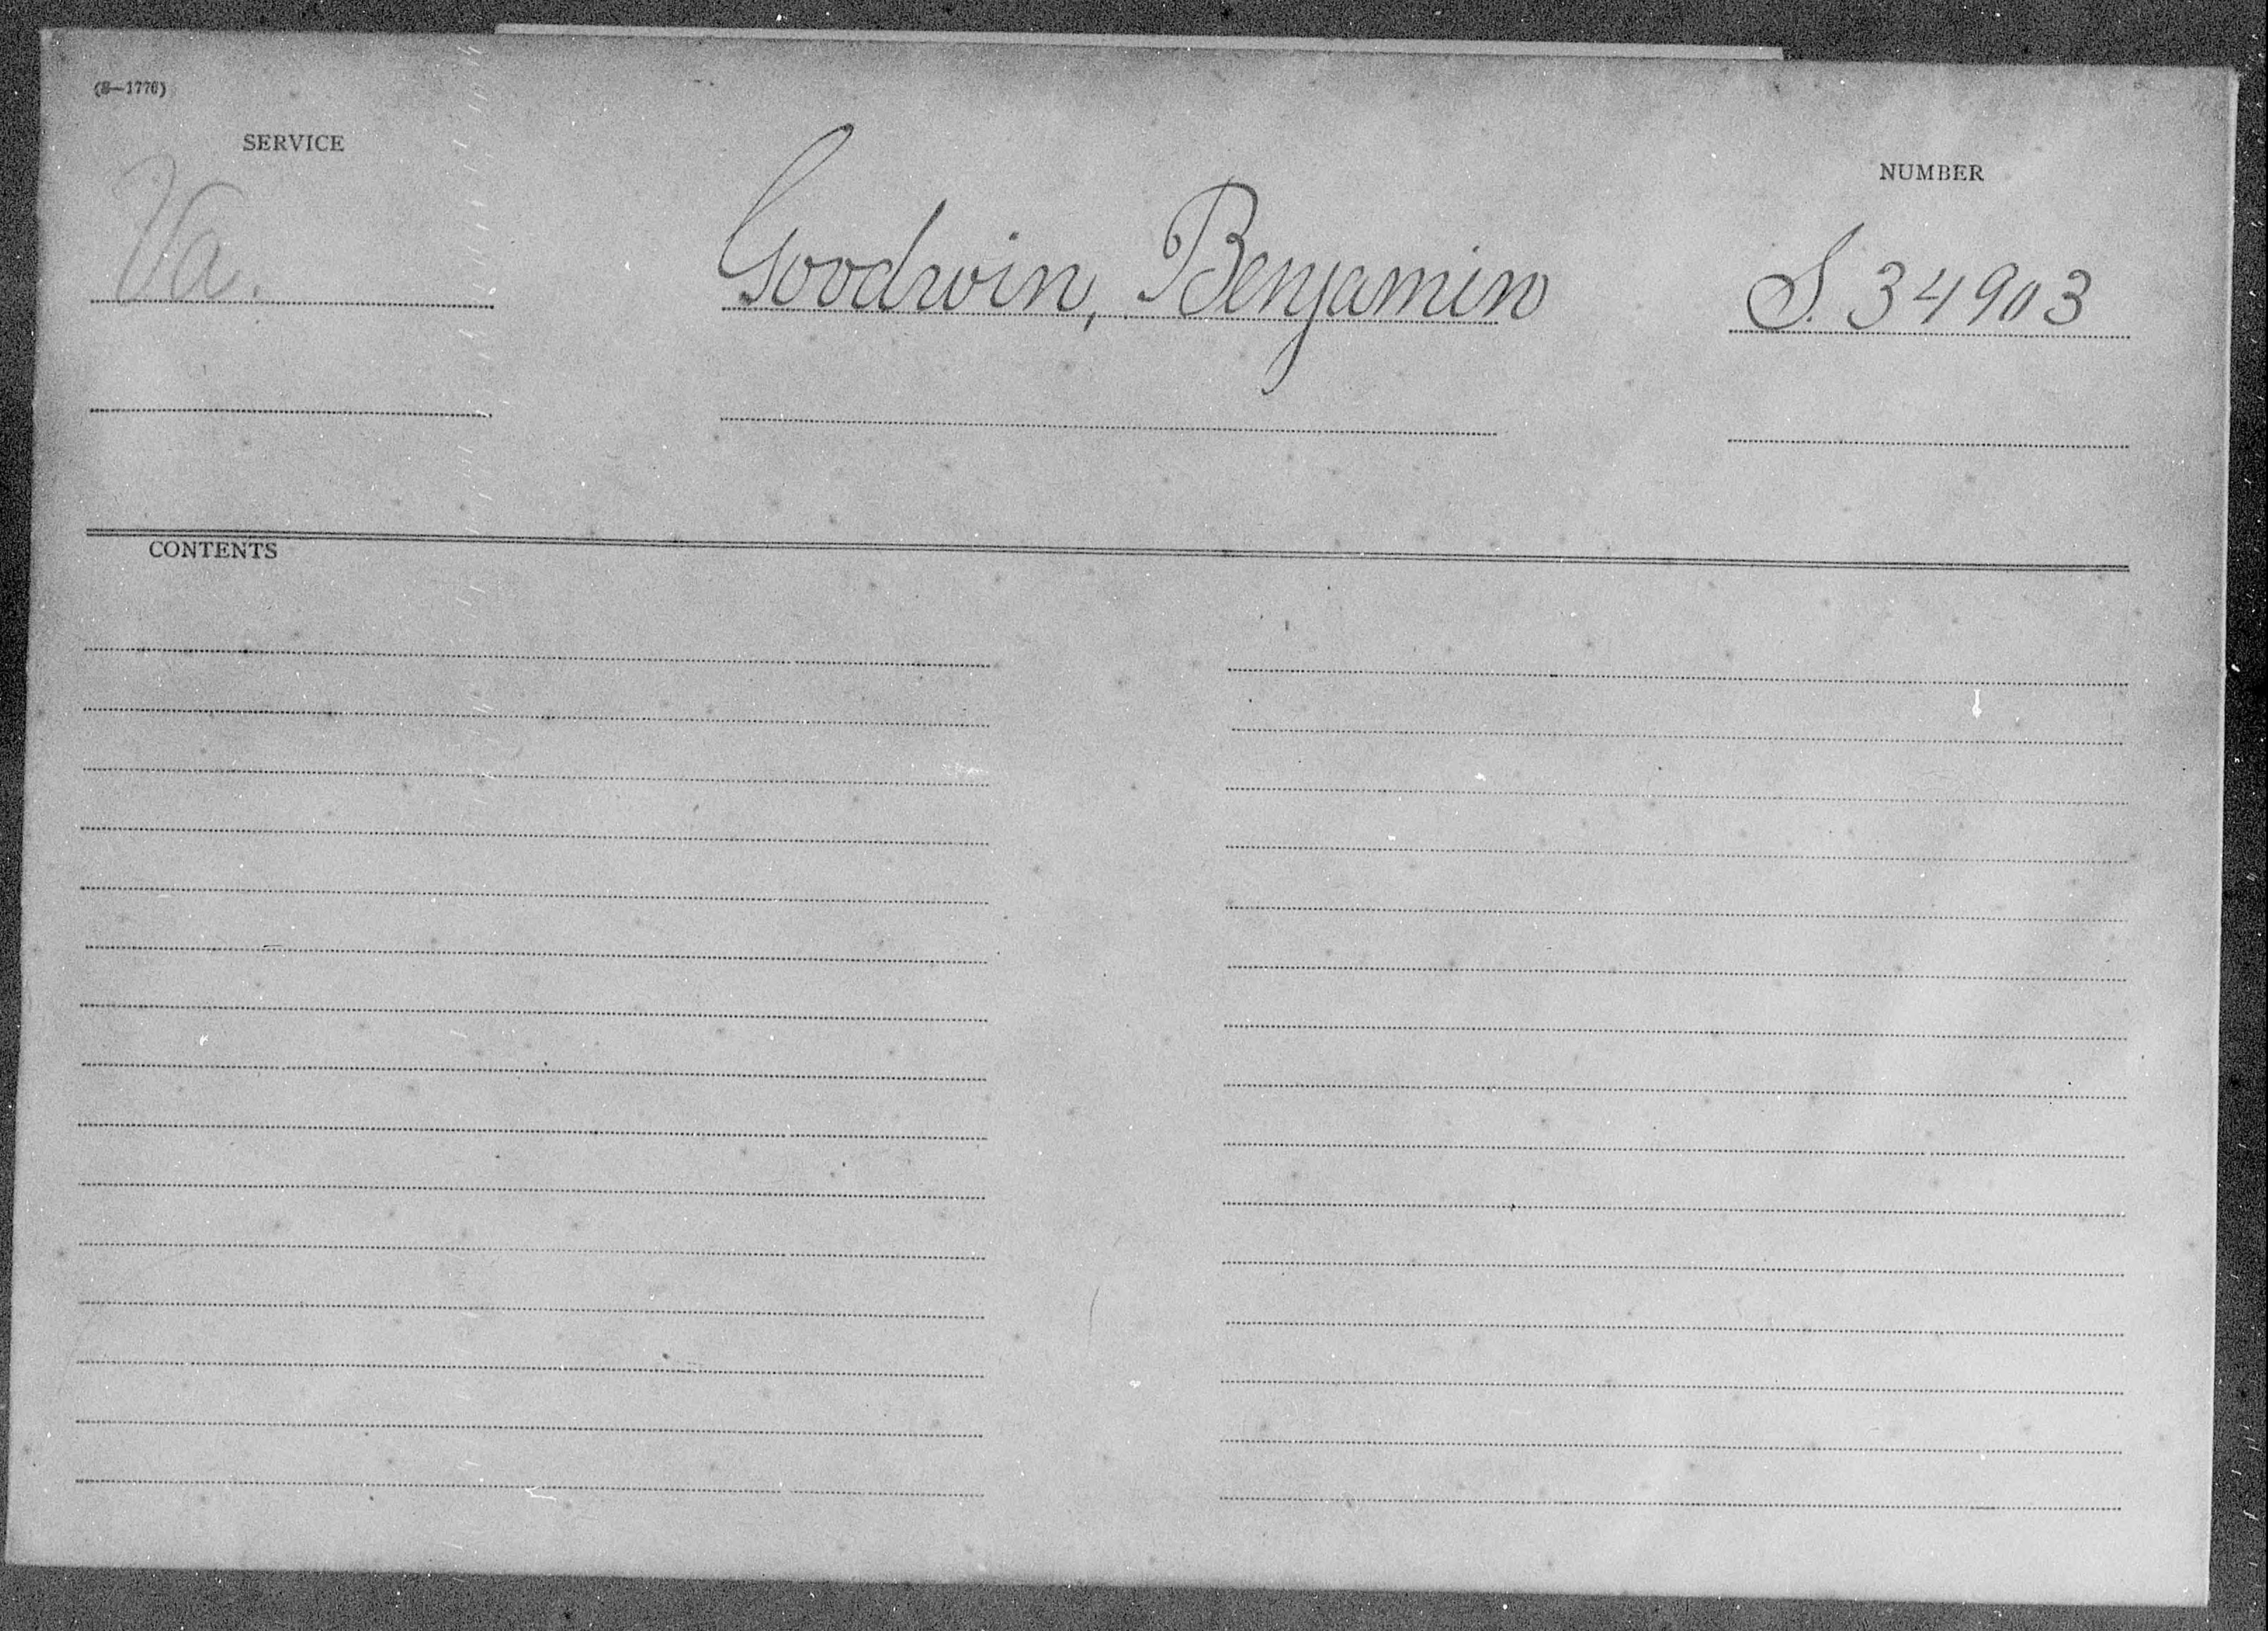(3-1776)
SERVICE           NUMBER
Va.    Goodwin, Benjamin        S. 34903
CONTENTS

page: 1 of 24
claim: survivor's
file: S. 34903, Benjamin Goodwin, Va.